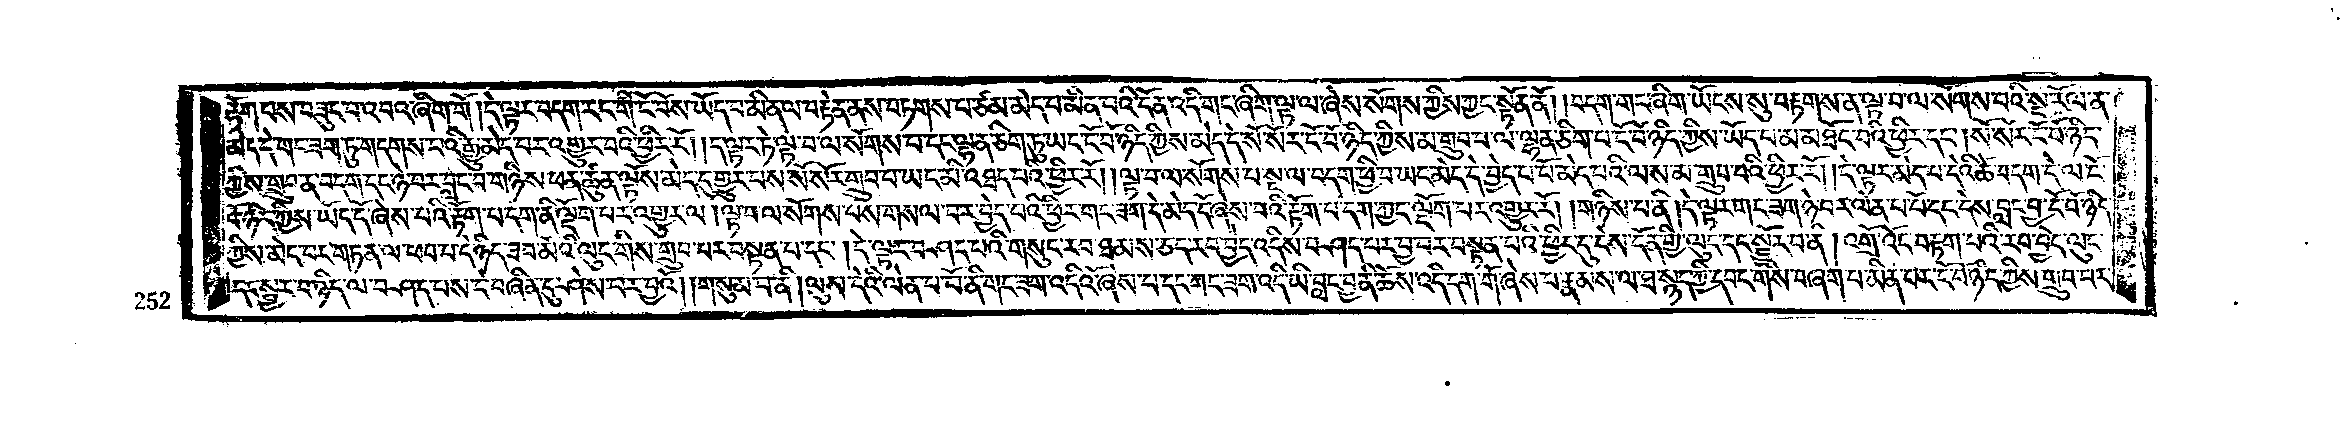རྟོག་པས་བཟུང་བ་འབའ་ཞིག་གོ །དེ་ལྟར་བདག་རང་གི་ངོ་བོས་ཡོད་པ་མིན་ལ་བརྟེན་ནས་བཏགས་པ་ཙམ་མེད་པ་མིན་པའི་དོན་འདི་གང་ཞིག་ལྟ་ལ་ཞེས་སོགས་ཀྱིས་ཀྱང་སྟོན་ནོ། །བདག་གང་ཞིག་ཡངས་སུ་བརྟགས་ན་ལྟ་བ་ལ་སོགས་པའི་སྔ་རོལ་ན་
མེད་དེ་གང་ཟག་ཏུ་གདགས་པའི་རྒྱུ་མེད་པར་འགྱུར་བའི་ཕྱིར་རོ། །ད་ལྟར་ཏེ་ལྟ་བ་ལ་སོགས་པ་དང་ལྷན་ཅིག་ཏུ་ཡང་ངོ་བོ་ཉིད་ཀྱིས་མེད་དེ་སོ་སོར་ངོ་བོ་ཉིད་ཀྱིས་མ་གྲུབ་པ་ལ་ལྷན་ཅིག་པ་ངོ་བོ་ཉིད་ཀྱིས་ཡོད་པ་མ་མཐོང་བའི་ཕྱིར་དང་། སོ་སོར་ངོ་བོ་ཉིད་
ཀྱིས་གྲུབ་ན་བདག་དང་ཉེ་བར་བླང་བ་གཉིས་ཕན་ཚུན་ལྟོས་མེད་དུ་གྱུར་པས་སོ་སོར་གྲུབ་པ་ཡང་མི་འཐད་པའི་ཕྱིར་རོ། །ལྟ་བ་ལ་སོགས་པ་སྔ་ལ་བདག་ཕྱི་བ་ཡང་མེད་དེ་བྱེད་པ་པོ་མེད་པའི་ལས་མ་གྲུབ་པའི་ཕྱིར་རོ། །དེ་ལྟར་མེད་པ་དེའི་ཚེ་བདག་དེ་ལ་ངོ་
བོ་ཉིད་ཀྱིས་ཡོད་དོ་ཞེས་པའི་རྟོག་པ་དག་ནི་ལྡོག་པར་འགྱུར་ལ། ལྟ་བ་ལ་སོགས་པས་གསལ་བར་བྱེད་པའི་ཕྱིར་གང་ཟག་དེ་མེད་དོ་ཞེས་པའི་རྟོག་པ་དག་ཀྱང་ལྡོག་པར་འགྱུར་རོ། །གཉིས་པ་ནི། དེ་ལྟར་གང་ཟག་ཉེ་བར་ལེན་པ་པོ་དང་དེས་བླང་བྱ་ངོ་བོ་ཉིད་
ཀྱིས་མེད་པར་གཏན་ལ་ཕབ་པ་དེ་ཉིད་ཟབ་མོའི་ལུང་གིས་གྲུབ་པར་བསྟན་པ་དང་། ད་ལྟར་བཤད་པའི་གསུང་རབ་ཐམས་ཅད་རབ་བྱེད་འདིས་བཤད་པར་བྱ་བར་བསྟན་པའི་ཕྱིར་དུ་ངེས་དོན་གྱི་ལུང་དང་སྦྱོར་བ་ནི། འགྲོ་འོང་བརྟག་པའི་རབ་བྱེད་ལུང་
དང་སྦྱར་བ་ཉིད་ལ་བཤད་པས་དེ་བཞིན་དུ་ཤེས་པར་བྱའོ། །གསུམ་པ་ནི། ལུས་དེའི་ལེན་པ་པོ་ནི་གང་ཟག་འདིའོ་ཞེས་པ་དང་གང་ཟག་འདི་ཡི་བླང་བྱ་ནི་ཆོས་འདི་དག་གོ་ཞེས་པ་རྣམས་ལ་ཐ་སྙད་ཀྱི་དབང་གིས་བཞག་པ་མིན་པར་ངོ་བོ་ཉིད་ཀྱིས་གྲུབ་པར་